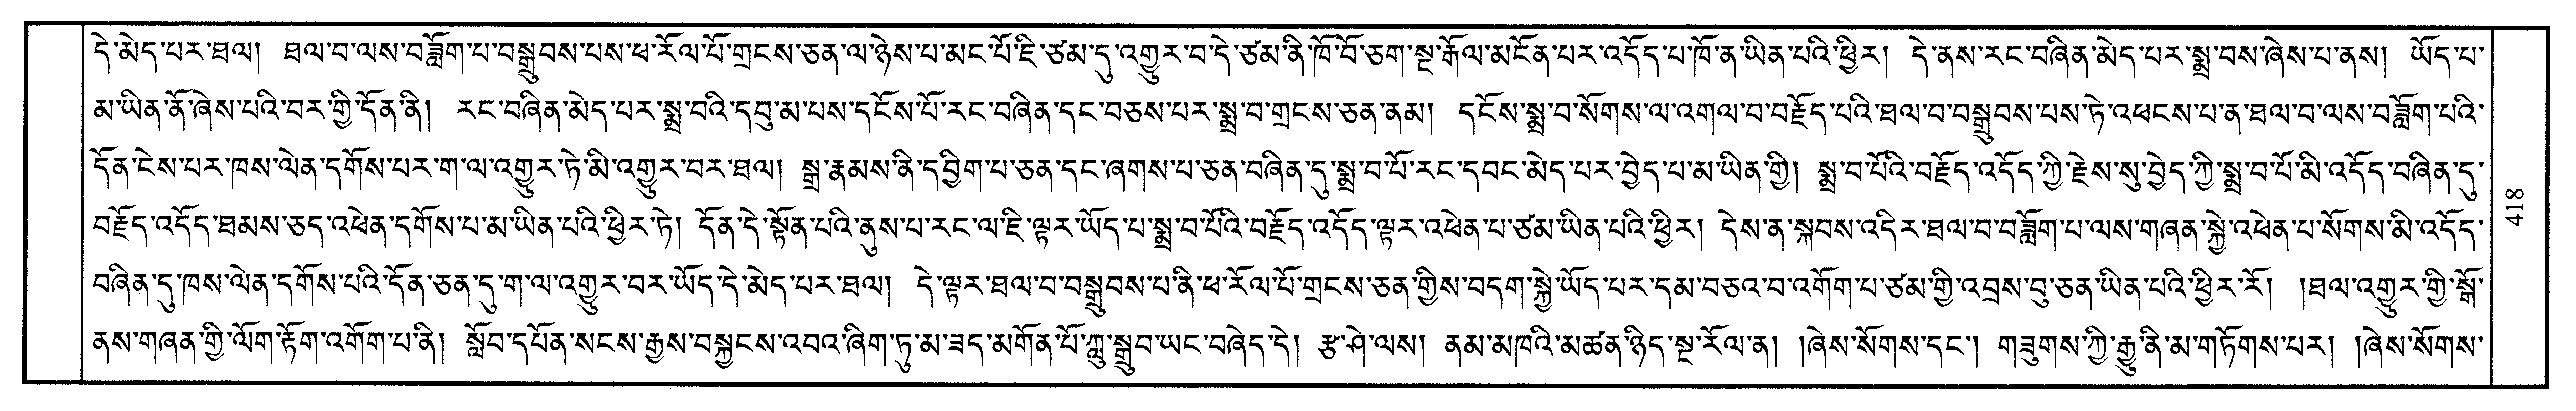དེ་མེད་པར་ཐལ། ཐལ་བ་ལས་བཟློག་པ་བསྒྲུབས་པས་ཕ་རོལ་པོ་གྲངས་ཅན་ལ་ཉེས་པ་མང་པོ་ཇི་ཙམ་དུ་འགྱུར་བ་དེ་ཙམ་ནི་ཁོ་བོ་ཅག་སྔ་རྒོལ་མངོན་པར་འདོད་པ་ཁོ་ན་ཡིན་པའི་ཕྱིར། དེ་ནས་རང་བཞིན་མེད་པར་སྨྲ་བས་ཞེས་པ་ནས། ཡོད་པ་
མ་ཡིན་ནོ་ཞེས་པའི་བར་གྱི་དོན་ནི། རང་བཞིན་མེད་པར་སྨྲ་བའི་དབུ་མ་པས་དངོས་པོ་རང་བཞིན་དང་བཅས་པར་སྨྲ་བ་གྲངས་ཅན་ནམ། དངོས་སྨྲ་བ་སོགས་ལ་འགལ་བ་བརྗོད་པའི་ཐལ་བ་བསྒྲུབས་པས་ཏེ་འཕངས་པ་ན་ཐལ་བ་ལས་བཟློག་པའི་
དོན་ངེས་པར་ཁས་ལེན་དགོས་པར་ག་ལ་འགྱུར་ཏེ་མི་འགྱུར་བར་ཐལ། སྒྲ་རྣམས་ནི་དབྱིག་པ་ཅན་དང་ཞགས་པ་ཅན་བཞིན་དུ་སྨྲ་བ་པོ་རང་དབང་མེད་པར་བྱེད་པ་མ་ཡིན་གྱི། སྨྲ་བ་པོའི་བརྗོད་འདོད་ཀྱི་རྗེས་སུ་བྱེད་ཀྱི་སྨྲ་བ་པོ་མི་འདོད་བཞིན་དུ་
བརྗོད་འདོད་ཐམས་ཅད་འཕེན་དགོས་པ་མ་ཡིན་པའི་ཕྱིར་ཏེ། དོན་དེ་སྟོན་པའི་ནུས་པ་རང་ལ་ཇི་ལྟར་ཡོད་པ་སྨྲ་བ་པོའི་བརྗོད་འདོད་ལྟར་འཕེན་པ་ཙམ་ཡིན་པའི་ཕྱིར། དེས་ན་སྐབས་འདིར་ཐལ་བ་བཟློག་པ་ལས་གཞན་སྐྱེ་འཕེན་པ་སོགས་མི་འདོད་
བཞིན་དུ་ཁས་ལེན་དགོས་པའི་དོན་ཅན་དུ་ག་ལ་འགྱུར་བར་ཡོད་དེ་མེད་པར་ཐལ། དེ་ལྟར་ཐལ་བ་བསྒྲུབས་པ་ནི་ཕ་རོལ་པོ་གྲངས་ཅན་གྱིས་བདག་སྐྱེ་ཡོད་པར་དམ་བཅའ་བ་འགོག་པ་ཙམ་གྱི་འབྲས་བུ་ཅན་ཡིན་པའི་ཕྱིར་རོ། །ཐལ་འགྱུར་གྱི་སྒོ་
ནས་གཞན་གྱི་ལོག་རྟོག་འགོག་པ་ནི། སློབ་དཔོན་སངས་རྒྱས་བསྐྱངས་འབའ་ཞིག་ཏུ་མ་ཟད་མགོན་པོ་ཀླུ་སྒྲུབ་ཡང་བཞེད་དེ། རྩ་ཤེ་ལས། ནམ་མཁའི་མཚན་ཉིད་སྔ་རོལ་ན། །ཞེས་སོགས་དང་། གཟུགས་ཀྱི་རྒྱུ་ནི་མ་གཏོགས་པར། །ཞེས་སོགས་